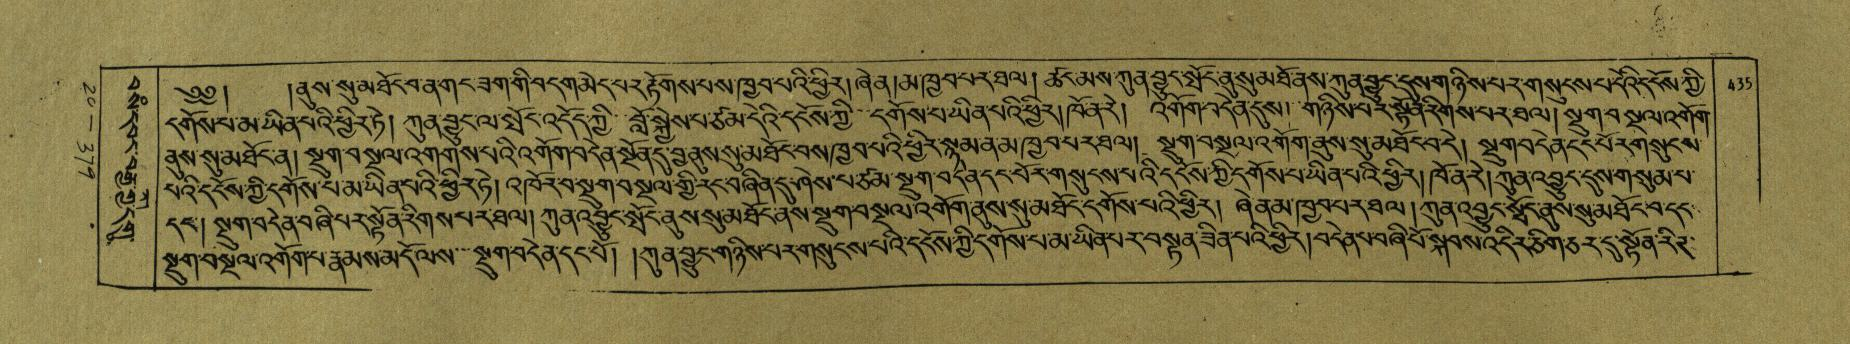༄༅། །ནུས་སུ་མཐོང་བ་ན་གང་ཟག་གི་བདག་མེད་པར་རྟོགས་པས་ཁྱབ་པའི་ཕྱིར། ཞེ་ན། མ་ཁྱབ་པར་ཐལ། ཚང་མས་ཀུན་བྱུང་སྤོང་ནུ་སུ་མཐོ་ནས་ཀུན་བྱུང་དུས་གཉིས་པར་གསུངས་པ་དེའི་དངོས་ཀྱི་
དགོས་པ་མ་ཡིན་པའི་ཕྱིར་ཏེ། ཀུན་བྱུང་ལ་སྤོང་འདོད་ཀྱི་བློ་སྐྱེས་པ་ཙམ་དེའི་དངོས་ཀྱི་དགོས་པ་ཡིན་པའི་ཕྱིར། ཁོ་ན་རེ། འགོག་བདེན་དུས། གཉིས་པར་སྟོན་རིགས་པར་ཐལ། སྡུག་བསྔལ་འགོག་
ནུས་སུ་མཐོང་ན། སྡུག་བསྔལ་འགགས་པའི་འགོག་བདེན་སྔོན་དུ་བྱ་ནུས་སུ་མཐོང་བས་ཁྱབ་པའི་ཕྱིར་སྙམ་ན་མ་ཁྱབ་པར་ཐལ། སྡུག་བསྔལ་འགོག་ནུས་སུ་མཐོང་བ་དེ། སྡུག་བདེན་དང་པོར་གསུངས་
པའི་དངོས་ཀྱི་དགོས་པ་མ་ཡིན་པའི་ཕྱིར་ཏེ། འཁོར་བསྡུག་བསྔལ་གྱི་རང་བཞིན་དུ་ཤེས་པ་ཙམ་སྡུག་བདེན་དང་པོར་གསུངས་པའི་དངོས་ཀྱི་དགོས་པ་ཡིན་པའི་ཕྱིར། ཁོ་ན་རེ། ཀུན་འབྱུང་དུས་གསུམ་པ་
དང་། སྡུག་བདེན་བཞི་པར་སྟོན་རིགས་པར་ཐལ། ཀུན་འབྱུང་སྤོང་ནུས་སུ་མཐོང་ནས་སྡུག་བསྔལ་འགོག་ནུས་སུ་མཐོང་དགོས་པའི་ཕྱིར། ཞེ་ནམ་ཁྱབ་པར་ཐལ། ཀུན་འབྱུང་སྤོང་ནུས་སུ་མཐོང་བ་དང་
སྡུག་བསྔལ་འགོག་པ་རྣམས་མདོ་ལས་སྡུག་བདེན་དང་པོ། །ཀུན་བྱུང་གཉིས་པར་གསུངས་པའི་དངོས་ཀྱི་དགོས་པ་མ་ཡིན་པར་བསྟན་ཟིན་པའི་ཕྱིར། བདེན་པ་བཞི་པོ་སྐབས་འདིར་ཅིག་ཅར་དུ་སྟོན་རིཊ་